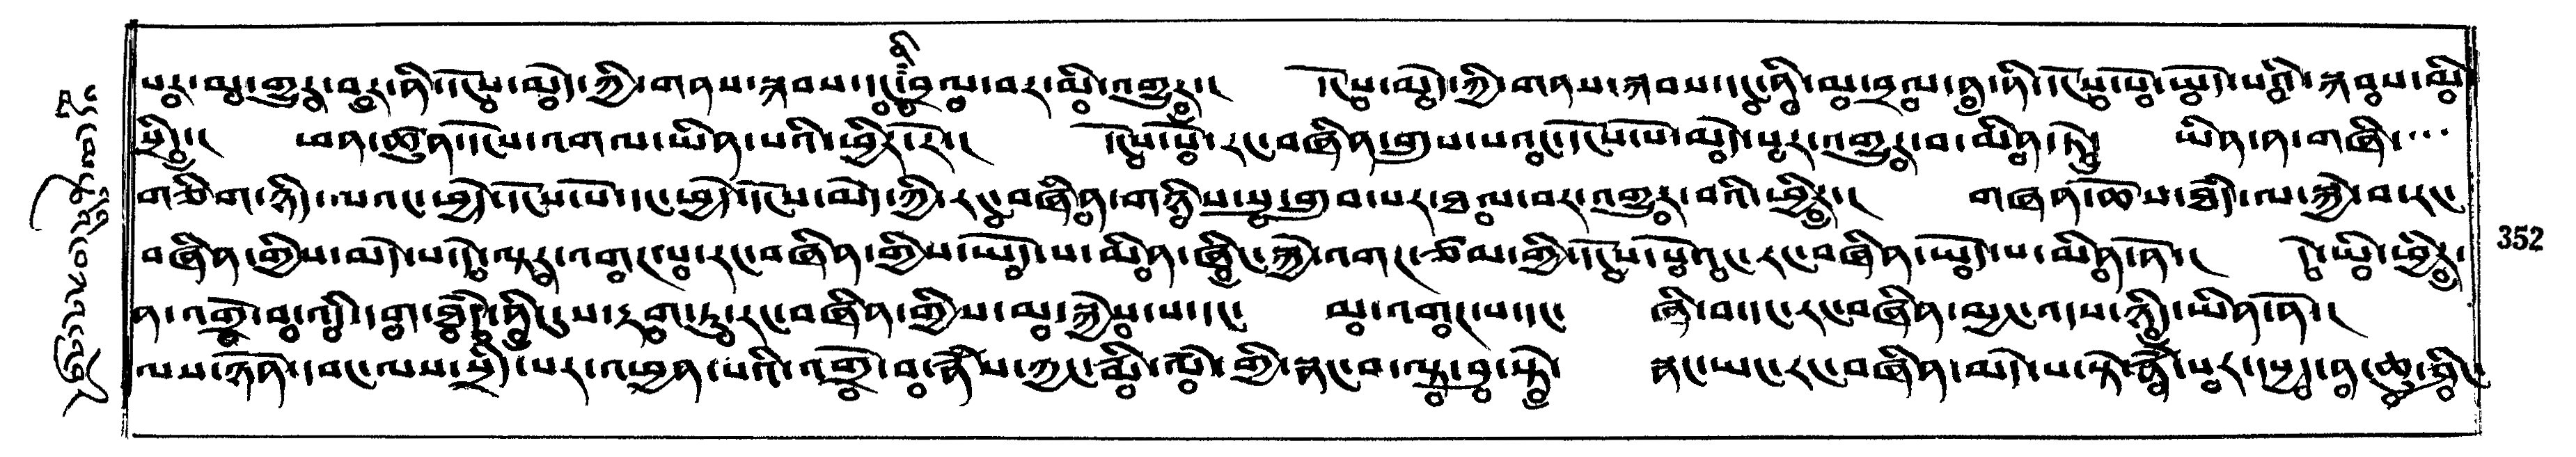པར་མ་འགྱུར་བར་ནི་དངོས་མེད་ཀྱི་གནས་སྐབས་དང་ནི་འབྲལ་བར་མི་འགྱུར། དངོས་མེད་ཀྱི་གནས་སྐབས་དང་ནི་མ་བྲལ་ན་ནི་དངོས་པོ་ཡོད་པའི་སྐབས་མི་
སྲིད་དེ། ཕན་ཚུན་དངོས་འགལ་ཡིན་པའི་ཕྱིར་རོ།། དངོས་པོ་རང་བཞིན་གྲུབ་པའང་དངོས་པོ་མེད་པར་འགྱུར་བ་མིན་ཏེ། ཡིན་ན་གཞི་
གཅིག་ཉིད་ལའང་ཕྱེད་དངོས་པོ་དང་ཕྱེད་དངོས་མེད་ཀྱི་རང་བཞིན་གཉིས་སུ་གྲུབ་པར་ཐལ་བར་འགྱུར་བའི་ཕྱིར། གཞན་ཆོས་ཐམས་ཅད་ལ་སྐྱེ་བ་རང་
བཞིན་གྱིས་མེད་པ་དེ་ལྟར་འགགས་པ་རང་བཞིན་གྱིས་ཡོད་པ་མིན་ཞིང་སྐྱེ་འགགས་ཙམ་གྱི་དངོས་པོའང་རང་བཞིན་ཡོད་པ་མིན་ནོ།། དེ་ཡི་ཕྱིར་
ན་འགྲོ་བ་འདི་དག་ཐམས་ཅད་ནི་དུས་རྟག་ཏུ་རང་བཞིན་གྱིས་མ་སྐྱེས་པ་དང་། མ་འགགས་པ་དང་། ཞི་བ་དང་རང་བཞིན་མྱང་འདས་ཉིད་ཡིན་ནོ། 
ལས་ཉོན་གྱི་དབང་ལས་སྲིད་པར་འཕྱན་པའི་འགྲོ་བ་རྣམས་ཀྱང་རྨི་ལམ་གྱི་སྣང་བ་ལྟ་བུ་སྟེ། སྣང་ཡང་རང་བཞིན་མེད་པ་སྟེ་རྣམ་པར་དཔྱད་ན་ཆུ་ཤིང་